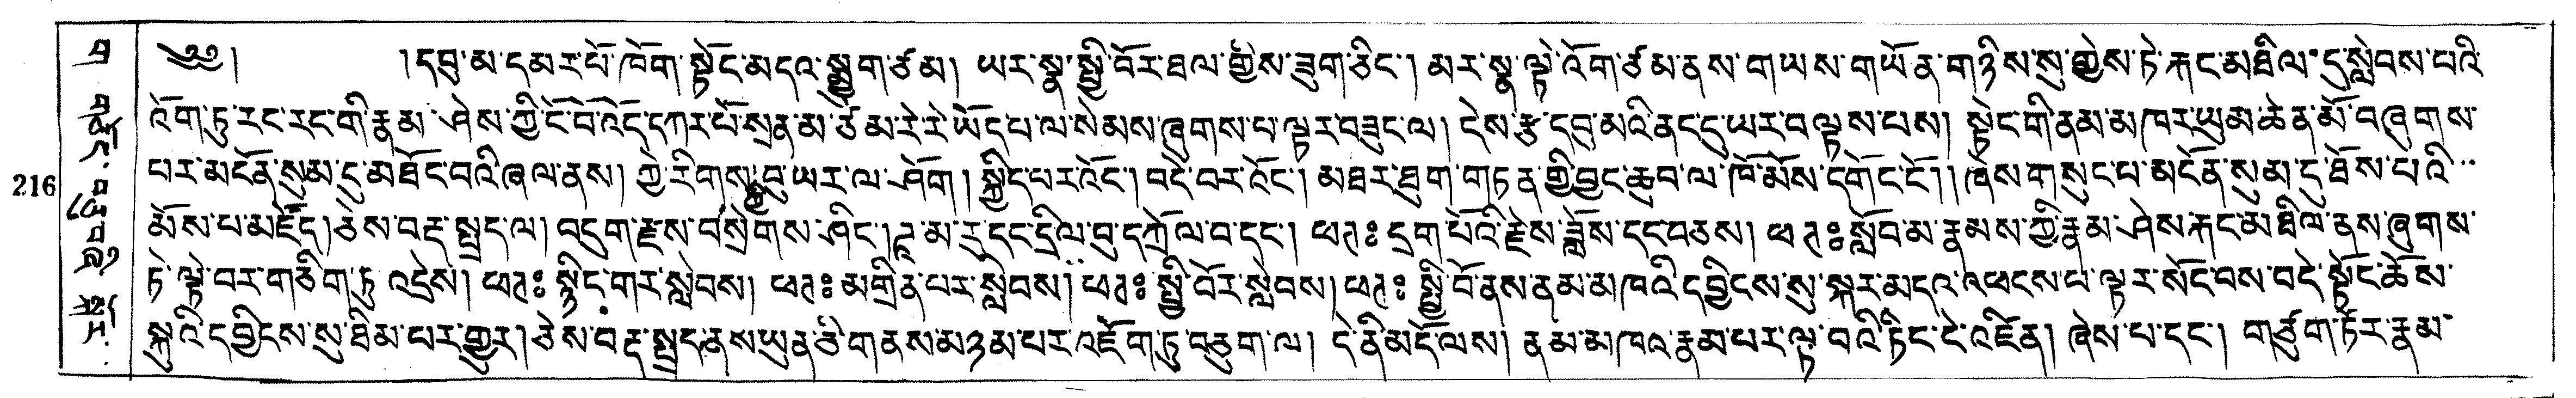༄༅། །དབུ་མ་དམར་པོ་ཁོག་སྟོང་མདའ་སྨྱུག་ཙམ། ཡར་སྣ་སྤྱི་བོར་ཐལ་གྱིས་ཟུག་ཅིང་། མར་སྣ་ལྟེ་འོག་ཙམ་ནས་གཡས་གཡོན་གཉིས་སུ་གྱེས་ཏེ་རྐང་མཐིལ་དུ་སླེབས་པའི་
འོག་ཏུ་རང་རང་གི་རྣམ་ཤེས་ཀྱི་ངོ་བོ་འོད་དཀར་པོ་སྲན་མ་ཙམ་རེ་རེ་ཡོད་པ་ལ་སེམས་ཞུགས་པ་ལྟར་བཟུང་ལ། དེས་རྩ་དབུ་མའི་ནང་དུ་ཡར་བལྟས་པས། སྟེང་གི་ནམ་མཁར་ཡུམ་ཆེན་མོ་བཞུགས་
པར་མངོན་སུམ་དུ་མཐོང་བའི་ཞལ་ནས། ཀྱེ་རིགས་ཀྱི་བུ་ཡར་ལ་ཤོག །སྐྱིད་པར་འོང་། བདེ་བར་འོང་། མཐར་ཐུག་གཏན་གྱི་བྱང་ཆུབ་ལ་ཁོ་མོས་དགོང་ངོ། །ཞེས་གསུང་པ་མངོན་སུམ་དུ་ཐོས་པའི་
མོས་པ་མཛོད། ཅེས་བརྡ་སྤྲད་ལ། བདུག་རྫས་བསྲེགས་ཤིང་། ཌཱ་མ་རུ་དང་དྲིལ་བུ་དཀྲོལ་བ་དང་། ཕཊཿ དྲག་པོའི་རྗེས་ཟློས་དང་བཅས། ཕཊཿ སློབ་མ་རྣམས་ཀྱི་རྣམ་ཤེས་རྐང་མཐིལ་ནས་ཞུགས་
ཏེ་ལྟེ་བར་གཅིག་ཏུ་འདྲེས། ཕཊཿ སྙིང་གར་སླེབས། ཕཊཿ མགྲིན་པར་སླེབས། ཕཊ། སྤྱི་བོར་སླེབས། ཕཊཿ སྤྱི་བོ་ནས་ནམ་མཁའི་དབྱིངས་སུ་སྐར་མདའ་འཕངས་པ་ལྟར་སོང་བས་བདེ་སྟོང་ཆོས་
སྐུའི་དབྱིངས་སུ་ཐིམ་པར་གྱུར། ཅེས་བརྡ་སྤྲད་ནས་ཡུན་ཅི་གནས་མཉམ་པར་འཇོག་ཏུ་བཅུག་ལ། དེ་ནི་མདོ་ལས། ནམ་མཁའ་རྣམ་པར་ལྟ་བའི་ཏིང་ངེ་འཛིན། ཞེས་པ་དང་། གཙུག་ཏོར་རྣམ་